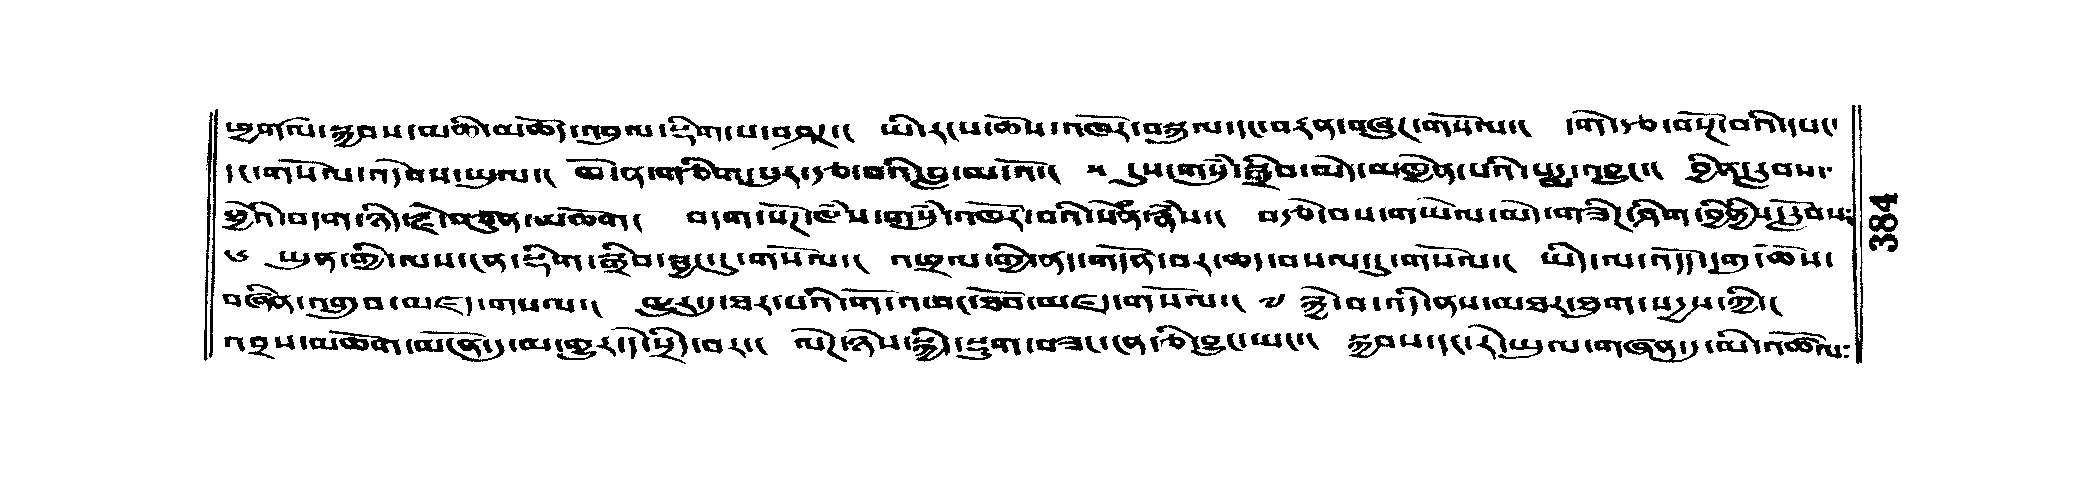།ཕྱག་འཚལ་སྐྱབས་མཆི་མཆོད་འབུལ་སྡིག་པ་བཤགས། །ཡི་རངས་ཆོས་འཁོར་བསྐུལ་དང་བརྟན་བཞུགས་གསོལ། །དགེ་རྩ་བསྔོ་བའི་དཔང་
དང་གསོལ་འདེབས་ཡུལ། །ཁོ་ན་གཅིག་པུར་རྩ་བའི་བླ་མ་འོ། ༥ །དུས་གསུམ་སྒྲིབ་མེད་མཁྱེན་པའི་པདྨ་འབྱུང་། །བྱིན་རླབས་
ཐུགས་རྗེའི་བདག་ཉིད་རྗེ་བཙུན་མཆོག །བདག་སོགས་ཁམས་གསུམ་འཁོར་བའི་སེམས་ཅན་རྣམས། །བརྩེ་བས་གཡེལ་མེད་གཟིགས་ཤིག་བྱིན་གྱིས་རློབས། 
༦ །ཡུན་གྱི་ལས་ངན་སྡིག་སྒྲིབ་སྦྱང་དུ་གསོལ། །འཕྲལ་གྱི་ནད་གདོན་བར་ཆད་བསལ་དུ་གསོལ། །ཡིད་ལ་འདོད་དགུ་ཆོས་
བཞིན་འགྲུབ་མཛད་གསལ། །མྱུར་དུ་ཐར་པའི་གོ་འཕང་ཐོབ་མཛད་གསོལ། ༧ །སྐྱེ་བ་འདི་ནས་མཐར་ཐུག་སངས་རྒྱས་ཀྱི། །
འབྲས་མཆོག་མངོན་དུ་མ་གྱུར་དེ་སྲིད་བར། །ལེགས་ཉེས་སྐྱིད་སྡུག་བཟང་ངན་ཅི་བྱུང་ཡང་། །སྐྱབས་དང་རེ་ཡུལ་གཞན་དུ་མི་འཚོལ་